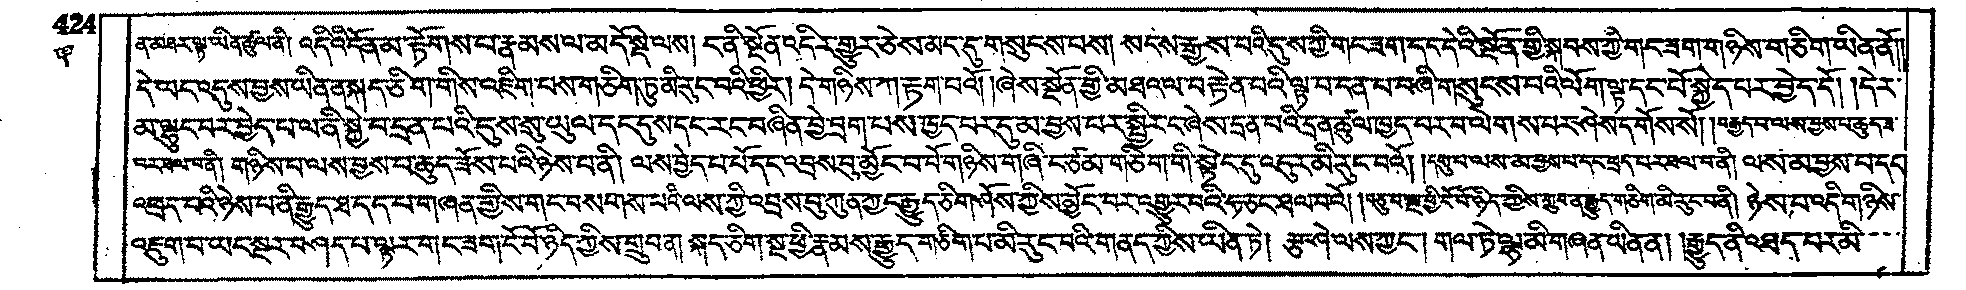ན་མཐར་ལྟ་ཡིན་ཚུལ་ནི། འདིའི་དོན་མ་རྟོགས་པ་རྣམས་ལ་མདོ་སྡེ་ལས། ང་ནི་སྔོན་འདིར་གྱུར་ཅེས་མང་དུ་གསུངས་པས། སངས་རྒྱས་པའི་དུས་ཀྱི་གང་ཟག་དང་དེའི་སྔོན་གྱི་སྐབས་ཀྱི་གང་ཟག་གཉིས་གཅིག་ཡིན་ནོ། །
དེ་ཡང་འདུས་བྱས་ཡིན་ན་སྐད་ཅིག་གིས་འཇིག་པས་གཅིག་ཏུ་མི་རུང་བའི་ཕྱིར། དེ་གཉིས་ཀ་རྟག་པའོ། །ཞེས་སྔོན་གྱི་མཐའ་ལ་བརྟེན་པའི་ལྟ་བ་ངན་པ་བཞི་གསུངས་པའི་ལོག་ལྟ་དང་པོ་སྐྱེད་པར་བྱེད་དོ། །དེར་
མ་ལྷུང་བར་བྱེད་པ་ལ་ནི་སྐྱེ་བ་དྲན་པའི་དུས་སུ་ཡུལ་དང་དུས་དང་རང་བཞིན་བྱེ་བྲག་པས་ཁྱད་པར་དུ་མ་བྱས་པར་སྤྱིར་ང་ཞེས་དྲན་པའི་དྲན་ཚུལ་ཁྱད་པར་བ་ལེགས་པར་ཤེས་དགོས་སོ། །བརྒྱད་པ་ལས་བྱས་པ་ཆུད་ཟ་
པར་ཐལ་བ་ནི། གཉིས་པ་ལས་བྱས་པ་ཆུད་ཟོས་པའི་ཉེས་པ་ནི། ལས་བྱེད་པ་པོ་དང་འབྲས་བུ་མྱོང་བ་པོ་གཉིས་གཞི་བཙམ་གཅིག་གི་སྟེང་དུ་འདུར་མི་རུང་བའོ། །དགུ་པ་ལས་མ་བྱས་པ་དང་ཕྲད་པར་ཐལ་བ་ནི། ལས་མ་བྱས་པ་དང་
འཕྲད་པའི་ཉེས་པ་ནི་རྒྱུད་ཐ་དད་པ་གཞན་གྱིས་གང་བསགས་པའི་ལས་ཀྱི་འབྲས་བུ་ཀུན་ཀྱང་རྒྱུད་ཅིག་ཤོས་ཀྱིས་མྱོང་བར་འགྱུར་བའི་ཧ་ཅང་ཐལ་བའོ། །བཅུ་པ་སྔ་ཕྱི་ངོ་བོ་ཉིད་ཀྱིས་གྲུབ་ན་རྒྱུད་གཅིག་མི་རུང་བ་ནི།  ཉེས་པ་འདི་གཉིས་
འཇུག་པ་ཡང་སྔར་བཤད་པ་ལྟར་གང་ཟག་ངོ་བོ་ཉིད་ཀྱིས་གྲུབ་ན། སྐད་ཅིག་སྔ་ཕྱི་རྣམས་རྒྱུད་གཅིག་པ་མི་རུང་བའི་གནད་ཀྱིས་ཡིན་ཏེ། རྩ་ཤེ་ལས་ཀྱང་། གལ་ཏེ་ལྷ་མི་གཞན་ཡིན་ན། །རྒྱུད་ནི་འཐད་པར་མི་